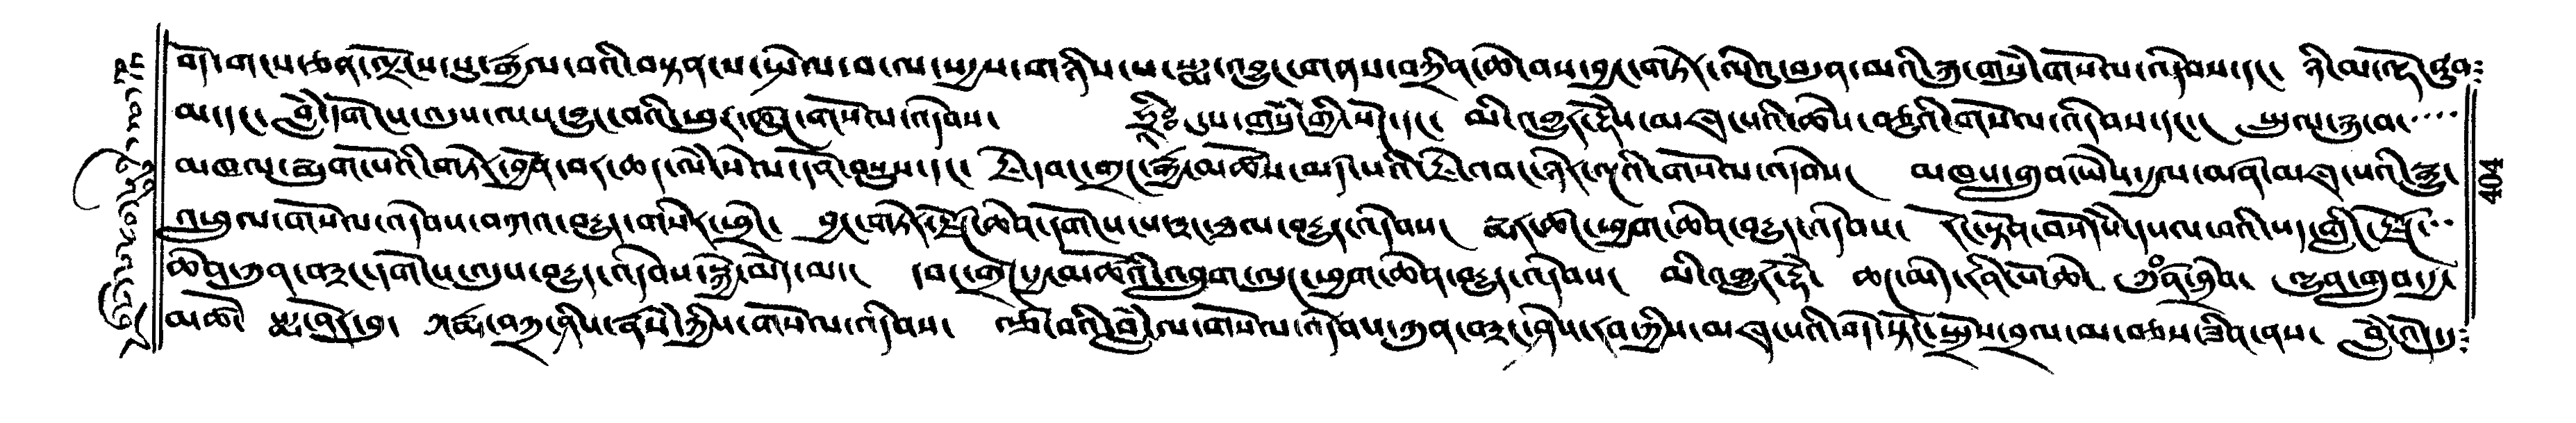བོད་གངས་ཅན་ལྗོངས་སུ་རྒྱལ་བའི་བསྟན་པ་སྤེལ་བ་ལ་སངས་རྒྱས་གཉིས་པ་པདྨ་འབྱུང་གནས་བཀའ་དྲིན་ཆེ་བས་བྱང་གཏེར་ལེའུ་བདུན་མའི་སྐུ་གསུམ་གསོལ་འདེབས་དང་། ཉི་མ་ལྷོ་ནུབ་
མ་དང་། བླ་མ་དགོངས་འདུས་ལས་བྱུང་བའི་ཕུར་ཚུགས་གསོལ་འདེབས། ཧྲཱིཿ དུས་གསུམ་གྱི་སོགས་དང་། མི་འགྱུར་རྡོ་རྗེས་མཛད་པའི་ཚེས་བཅུའི་གསོལ་འདེབས་དང་། སྤྲུལ་སྐུ་བ་
མཁལ་སྨུག་པོའི་གཏེར་བྱོན་བར་ཆད་ལམ་སེལ་དོན་བསྡུས་དང་། རྗེ་དབང་གྲགས་རྒྱ་མཚོས་མཛད་པའི་རྗེ་འབངས་ཉེར་ལྔའི་གསོལ་འདེབས། མཁས་གྲུབ་ཡེ་ཤེས་རྒྱལ་མཚན་གྱིས་མཛད་པའི་སྒྱུ་
འཕྲུལ་གསོལ་འདེབས། བཀའ་བརྒྱུད་གསེར་ཕྲེང་། བྱང་གཏེར་རྫོགས་ཆེན་དགོངས་པ་ཟང་ཐལ་བརྒྱུད་འདེབས། སྨར་ཚང་ཕྱག་ཆེན་བརྒྱུད་འདེབས། རོང་སྟོན་བསོད་ནམས་དཔལ་བའི་པད་གླིང་རྫོགས་
ཆེན་ཀུན་བཟང་དགོངས་འདུས་བརྒྱུད་འདེབས་སྐྱེ་མེད་མ། དབང་གྲགས་རྒྱ་མཚོའི་འབྲུག་ལུགས་ཕྱག་ཆེན་བརྒྱུད་འདེབས། མི་འགྱུར་རྡོ་རྗེ། ཆགས་མེད་རིན་པོ་ཆེ། ཀུན་བཟང་ཤེས་རབ། ལྷུན་གྲུབ་རྒྱ་
མཚོ། པདྨ་ནོར་བུ། ཀརྨ་བཀྲ་ཤིས་རྣམས་ཀྱི་གསོལ་འདེབས། རྩ་བའི་བླ་མ་ལ་གསོལ་འདེབས་ཀུན་བཟང་ཤེས་རབ་ཀྱིས་མཛད་པའི་བདེ་སྟོང་སྤྲོས་བྲལ་མ་བཅས་ཟིན་ནས། བླ་མ་འོད་དུ་